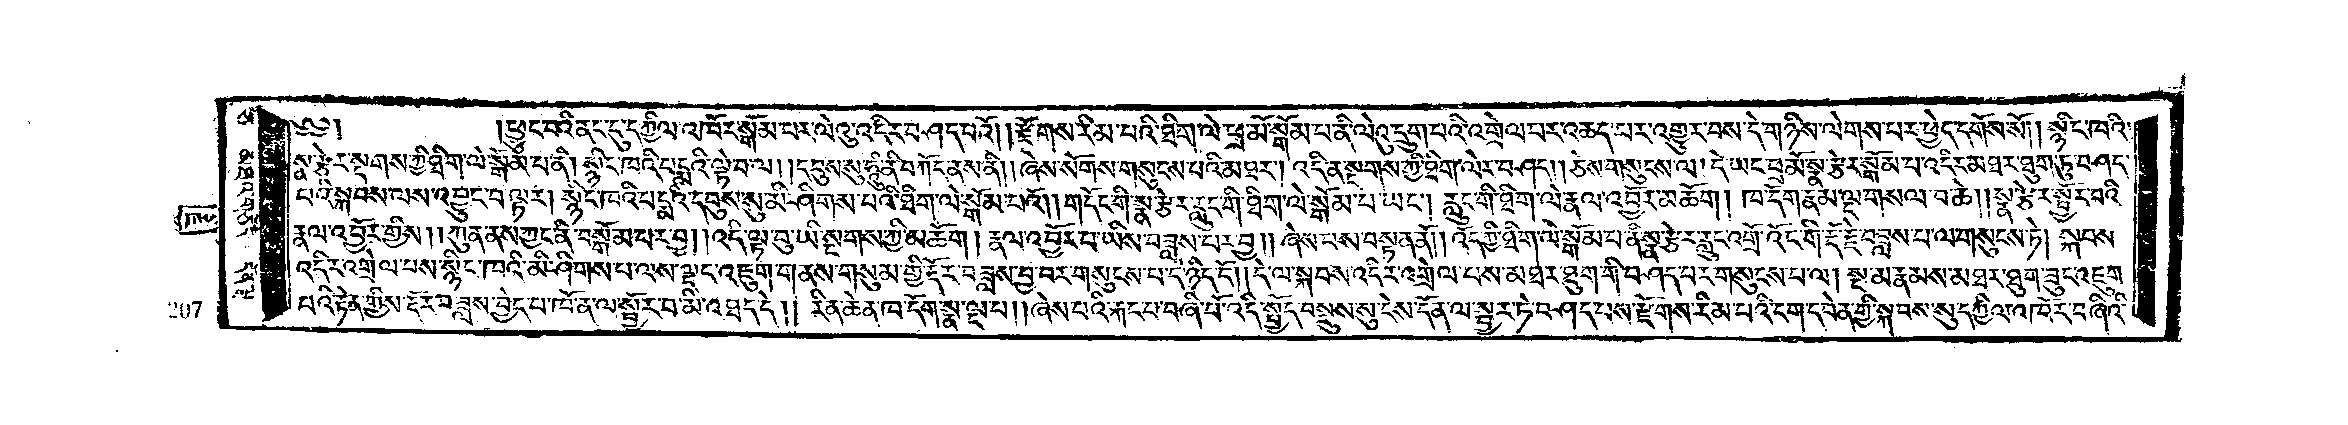༄༅། །ཕུང་བའི་ནང་དུ་དཀྱིལ་འཁོར་སྒོམ་པར་ལེའུ་འདིར་བཤད་པའོ། །རྫོགས་རིམ་པའི་ཐིག་ལེ་ཕྲ་མོ་སྒོམ་པ་ནི་ལེའུ་དྲུག་པའི་འགྲེལ་པར་འཆད་པར་འགྱུར་བས་དེ་གཉིས་ལེགས་པར་ཕྱེད་དགོས་སོ། །སྙིང་ཁའི་
སྣ་རྩེར་སྔགས་ཀྱི་ཐིག་ལེ་སྒོམ་པ་ནི། སྙིང་ཁའི་པདམའི་ལྟེ་བ་ལ། །དབུས་སུ་ཧཱུཾ་ནི་བཀོད་ནས་ནི། །ཞེས་སོགས་གསུངས་པའི་མཐར། འདི་ན་སྔགས་ཀྱི་ཐིག་ལེར་བཤད། །ཅེས་གསུངས་ལ། དེ་ཡང་ཕྲ་མོ་སྣ་རྩེར་སྒོམ་པ་འདིར་མཐར་ཐུག་ཏུ་བཤད་
པའི་སྐབས་ལས་འབྱུང་བ་ལྟར། སྙིང་ཁའི་པདམའི་དབུས་སུ་མི་ཤིགས་པའི་ཐིག་ལེ་སྒོམ་པའོ། །གདོང་གི་སྣ་རྩེར་རླུང་གི་ཐིག་ལེ་སྒོམ་པ་ཡང་། རླུང་གི་ཐིག་ལེ་རྣལ་འབྱོར་མཆོག །ཁ་དོག་རྣམ་ལྔ་གསལ་བ་ཆེ། །སྣ་རྩེར་སྦྱོར་བའི་
རྣལ་འབྱོར་གྱིས། །ཀུན་ནས་ཀྱང་ནི་བསྒོམ་པར་བྱ། །འདི་ལྟ་བུ་ཡི་སྔགས་ཀྱི་མཆོག །རྣལ་འབྱོར་པ་ཡིས་བཟླས་པར་བྱ། །ཞེས་པས་བསྟན་ནོ། །འོད་ཀྱི་ཐིག་ལེ་སྒོམ་པ་ནི་སྣ་རྩེར་རླུང་འགྲོ་འོང་གི་རྡོ་རྗེ་བཟླས་པ་ལ་གསུངས་ཏེ། སྐབས་
འདིར་འགྲེལ་པས་སྙིང་ཁའི་མི་ཤིགས་པ་ལས་ལྡང་འཇུག་གནས་གསུམ་གྱི་རྡོར་བཟླས་བྱ་བར་གསུངས་པ་དེ་ཉིད་དོ། །དེ་ལ་སྐབས་འདིར་འགྲེལ་པས་མཐར་ཐུག་གི་བཤད་པར་གསུངས་པ་ལ། སྔ་མ་རྣམས་མཐར་ཐུག་ཟུང་འཇུག་
པའི་རྟེན་གྱིས་རྡོར་བཟླས་བྱེད་པ་ཁོ་ན་ལ་སྦྱོར་བ་མི་འཐད་དེ། །རིན་ཆེན་ཁ་དོག་སྣ་ལྔ་པ། །ཞེས་པའི་རྐང་པ་བཞི་པོ་འདི་སྤྱོད་བསྡུས་སུ་ངེས་དོན་ལ་སྦྱར་ཏེ་བཤད་པས་རྫོགས་རིམ་པའི་ངག་དབེན་གྱི་སྐབས་སུ་དཀྱིལ་འཁོར་བཞིའི་